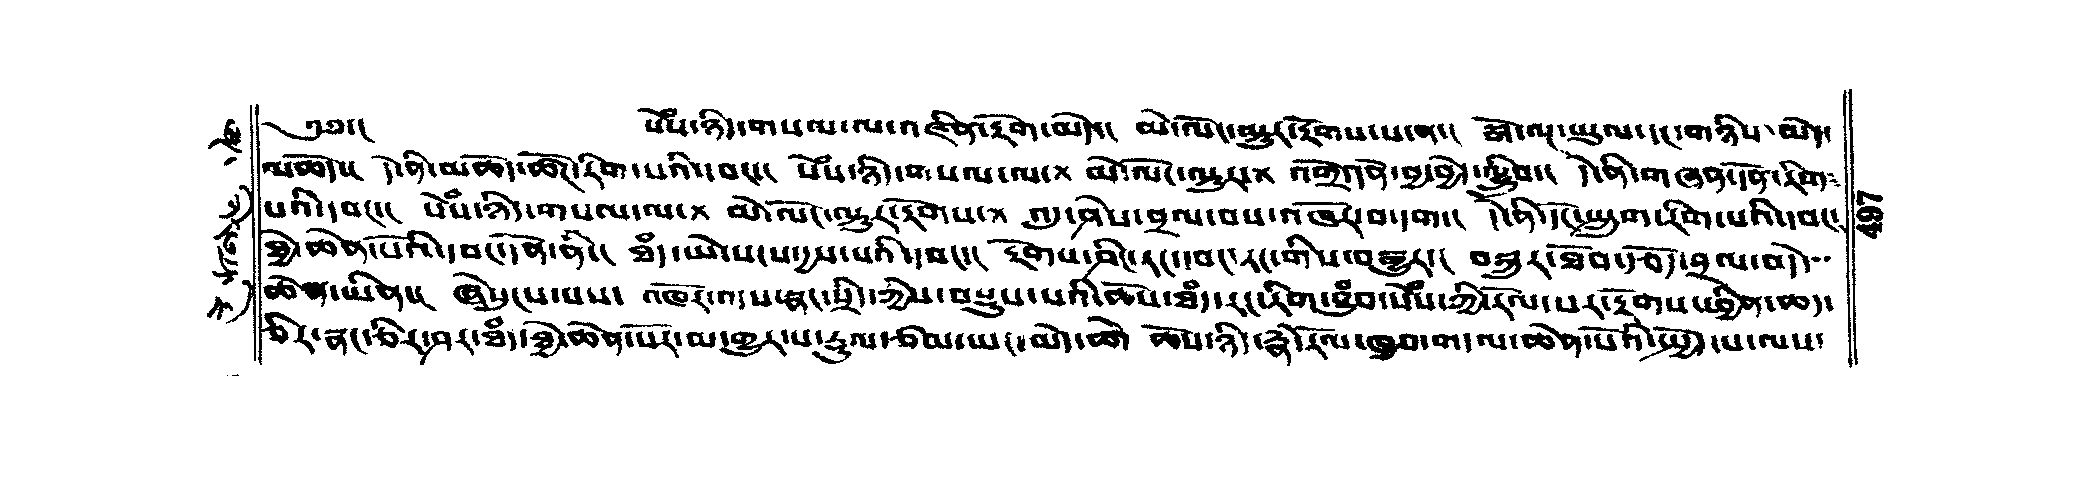སེམས་ཉིད་གསལ་ལ་འཛིན་རྟོག་མེད། །མེ་ལོང་ལྟ་བུར་རྟོགས་པ་ན། །སྒོ་ལྔ་ཡུལ་དང་གཉིས་མེད་
མཆོད། །དེ་ནི་མཆོད་ཚོགས་རིག་པའི་དབང་། །སེམས་ཉིད་གསལ་ལ་༴ མེ་ལོང་ལྟ་བུར༴ འགྲོ་དོན་བྱ་བྱེད་ལྷུན་གྱིས་གྲུབ། །དེ་ནི་གཞན་དོན་རིག་
པའི་དབང་། །སེམས་ཉིད་གསལ་ལ༴མེ་ལོང་ལྟ་བུར་རྟོགས༴ འདུ་ཤེས་བྲལ་བས་འཁོར་བ་དག་དེ་ནི་དོང་སྤྲུག་རིག་པའི་དབང་། །
ཐུགས་རྗེ་ཆེན་པོའི་དབང་དོན་ནི། །ཐམས་ཅད་ཡེ་སངས་རྒྱས་པའི་དབང་། །རྟོགས་ཤིང་རང་དབང་རང་གིས་བསྒྱུར། །བསྐུར་ཐོབ་རྩོད་བྲལ་བདེ་
ཆེན་ཡིན། །ཞེས་གསུངས་པས། འཁོར་འདས་སྣང་སྲིད་ཀྱིས་བསྡུས་པའི་ཆོས་ཐམས་ཅད་རང་རིག་བྱང་ཆུབ་སེམས་ཀྱི་རོལ་པར་རྟོགས་ཕྱིན་ཆད་
ཅིར་སྣང་ཅིར་ཤར་ཐམས་ཅད་ཐུགས་རྗེ་ཆེན་པོར་མ་གྱུར་པ་རྡུལ་ཙམ་ཡང་མེད་ཚེ། ཆོས་ཉིད་རྣམ་རོལ་ཁྱབ་གདལ་ཆེན་པོའི་སྤྱོད་པ་ལས་